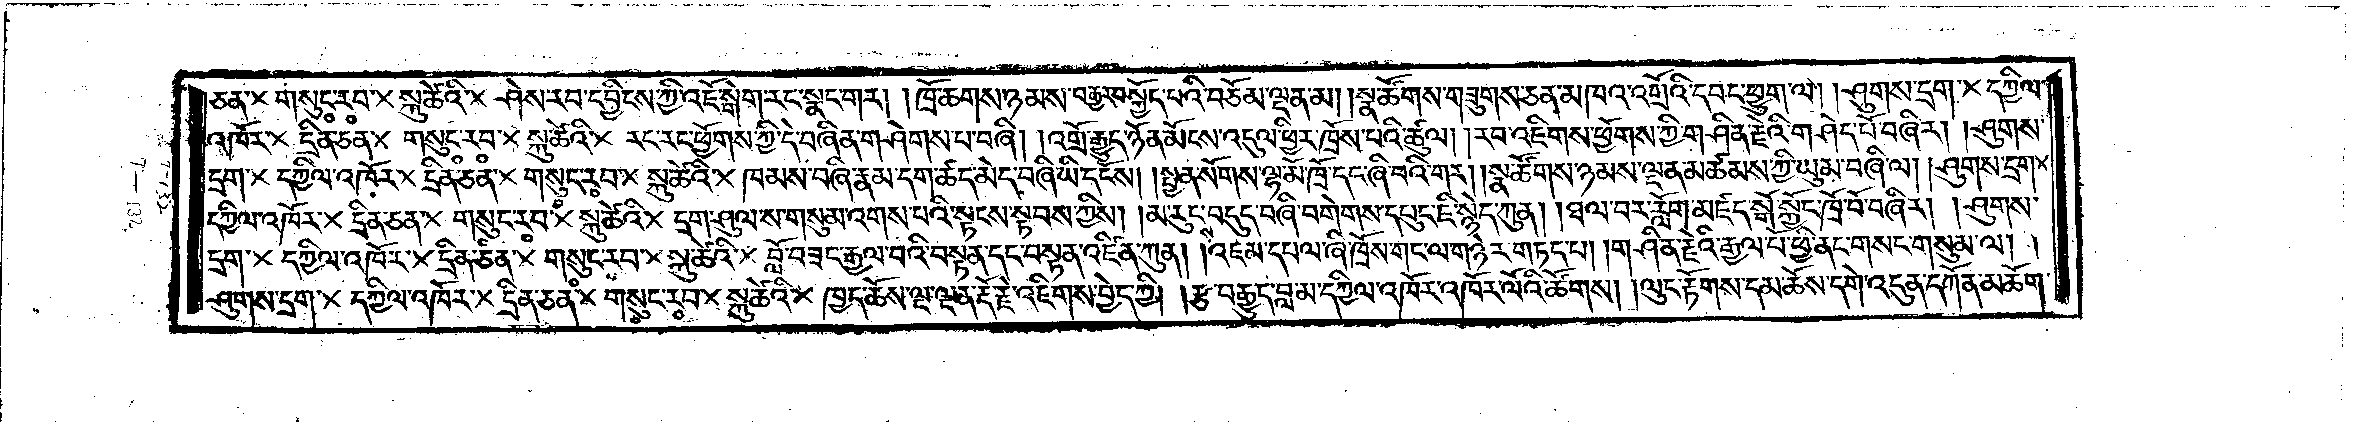ཅན་྾་གསུང྾་རབ྾་྾་སྐུ་ཚེའི་྾་ཤེས་རབ་དབྱིངས་ཀྱི་འཇོ་སྒེག་རང་སྣང་གར། །ཁྲོ་ཆགས་ཉམས་བརྒྱད་བསྐྱོང་པའི་བཅོམ་ལྡན་མ། །སྣ་ཚོགས་གཟུགས་ཅན་མཁའ་འགྲོའི་དབང་ཕྱུག་ལ། །ཤུགས་དྲག་྾་དཀྱིལ་
འཁོར་྾་དྲིན་ཅན་྾་གསུང྾་རབ྾་྾་སྐུ་ཚེའི་྾་རང་རང་ཕྱོགས་ཀྱི་དེ་བཞིན་གཤེགས་པ་བཞི། །འགྲོ་རྒྱུད་ཉོན་མོངས་འདུལ་ཕྱིར་ཁྲོས་པའི་ཚུལ། །རབ་འཇིགས་ཕྱོགས་ཀྱི་གཤིན་རྗེའི་གཤེད་པོ་བཞིར། །ཤུགས་
དྲག་྾་དཀྱིལ་འཁོར་྾་དྲིན་ཅན་྾་གསུང྾་རབ྾་྾་སྐུ་ཚེའི་྾་ཁམས་བཞི་རྣམ་དག་ཚད་མེད་བཞི་ཡི་དངོས། །སྤྱན་སོགས་ལྷ་མོ་ཁྲོ་དང་ཞི་བའི་གར། །སྣ་ཚོགས་ཉམས་ལྡན་མཚམས་ཀྱི་ཡུམ་བཞི་ལ། །ཤུགས་དྲག་྾་
དཀྱིལ་འཁོར་྾་དྲིན་ཅན་྾་གསུང྾་རབ྾་྾་སྐུ་ཚེའི་྾་དྲག་ཤུལ་ས་གསུམ་འགས་པའི་སྟངས་སྟབས་ཀྱིས། །མ་རུང་བདུད་བཞི་བགེགས་དཔུང་ཇི་སྙེད་ཀུན། །ཐལ་བར་རློག་མཛད་སྒོ་སྐྱོང་ཁྲོ་བོ་བཞིར། །ཤུགས་
དྲག་྾་དཀྱིལ་འཁོར་྾་དྲིན་ཅན་྾་གསུང྾་རབ྾་྾་སྐུ་ཚེའི་྾་བློ་བཟང་རྒྱལ་བའི་བསྟན་དང་བསྟན་འཛིན་ཀུན། །འཇམ་དཔལ་ཞི་ཁྲོས་གང་ལ་གཉེར་གཏད་པ། །གཤིན་རྗེའི་རྒྱལ་པོ་ཕྱི་ནང་གསང་གསུམ་ལ། །
ཤུགས་དྲག་྾་དཀྱིལ་འཁོར་྾་དྲིན་ཅན་྾་གསུང྾་རབ྾་྾་སྐུ་ཚེའི་྾་ཁྱད་ཆོས་ལྔ་ལྡན་རྡོ་རྗེ་འཇིགས་བྱེད་ཀྱི། །རྩ་བརྒྱུད་བླ་མ་དཀྱིལ་འཁོར་འཁོར་ལོའི་ཚོགས། །ལུང་རྟོགས་དམ་ཆོས་དགེ་འདུན་དཀོན་མཆོག་